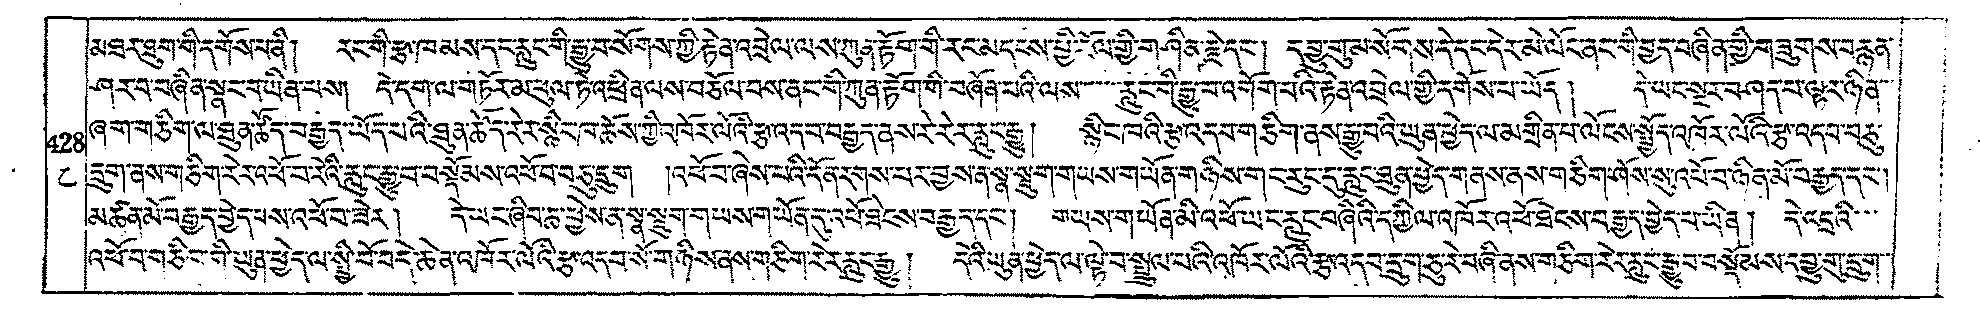མཐར་ཐུག་གི་དགོས་པ་ནི། རང་གི་རྩ་ཁམས་དང་རླུང་གི་རྒྱུ་བ་སོགས་ཀྱི་རྟེན་འབྲེལ་ལས་ཀུན་རྟོག་གི་རང་མདངས་ཕྱི་རོལ་གྱི་གཤིན་རྗེ་དང་། དབྱུ་གུ་མ་སོགས་དེ་དང་དེར་མེ་ལོང་ནང་གི་བྱད་བཞིན་གྱི་གཟུགས་བརྙན་
ཤར་བ་བཞིན་སྣང་བ་ཡིན་པས། དེ་དག་ལ་གཏོར་མ་ཕུལ་ཏེ་འཕྲིན་ལས་བཅོལ་བས་ནང་གི་ཀུན་རྟོག་གི་བཞོན་པའི་ལས་་་རླུང་གི་རྒྱུ་བ་འགོག་པའི་རྟེན་འབྲེལ་གྱི་དགོས་པ་ཡོད། དེ་ཡང་སྔར་བཤད་པ་ལྟར་ཉིན་་་
ཞག་གཅིག་ལ་ཐུན་ཚོད་བརྒྱད་ཡོད་པའི་ཐུན་ཚོད་རེར་སྙིང་ཁ་ཆོས་ཀྱི་འཁོར་ལོའི་རྩ་འདབ་བརྒྱད་ནས་རེ་རེར་རླུང་རྒྱུ། སྙིང་ཁའི་རྩ་འདབ་གཅིག་ནས་རྒྱུ་བའི་ཡུན་ཕྱེད་ལ་མགྲིན་པ་ལོངས་སྤྱོད་འཁོར་ལོའི་རྩ་འདབ་བཅུ་
དྲུག་ནས་གཅིག་རེར་འཕོ་བ་རེའི་རླུང་རྒྱུ་བ་བསྡོམས་འཕོ་བ་བཅུ་དྲུག །འཕོ་བ་ཞེས་པའི་དོན་རགས་པར་བྱས་ན་སྣ་སྦུག་གཡས་གཡོན་གཉིས་གང་རུང་དུ་རླུང་ཐུན་ཕྱེད་གནས་ནས་གཅིག་ཤོས་སུ་འཕོ་བ་ཉིན་མོ་བརྒྱད་དང་།
མཚན་མོ་བརྒྱད་བྱེད་པས་འཕོ་བ་ཟེར། དེ་ཡང་ཞིབ་ཆ་ཕྱེད་ན་སྣ་སྦུག་གཡས་གཡོན་དུ་འཕོ་ཐེངས་བརྒྱད་དང་། གཡས་གཡོན་མི་འཕོང་ཡང་རླུང་བཞིའི་དཀྱིལ་འཁོར་འཕོ་ཐེངས་བརྒྱད་བྱེད་པ་ཡིན། དེ་འདྲའི་་་
འཕོ་བ་གཅིག་གི་ཡུན་ཕྱེད་ལ་སྤྱི་བོ་བདེ་ཆེན་འཁོར་ལོའི་རྩ་འདབ་སོ་གཉིས་ནས་གཅིག་རེར་རླུང་རྒྱུ། དེའི་ཡུན་ཕྱེད་ལ་ལྟེ་བ་སྤྲུལ་པའི་འཁོར་ལོའི་རྩ་འདབ་དྲུག་ཅུ་རེ་བཞི་ནས་གཅིག་རཻ་རླུང་རྒྱུ་བ་བསྡོམས་དབྱུ་གུ་དྲུག་་་